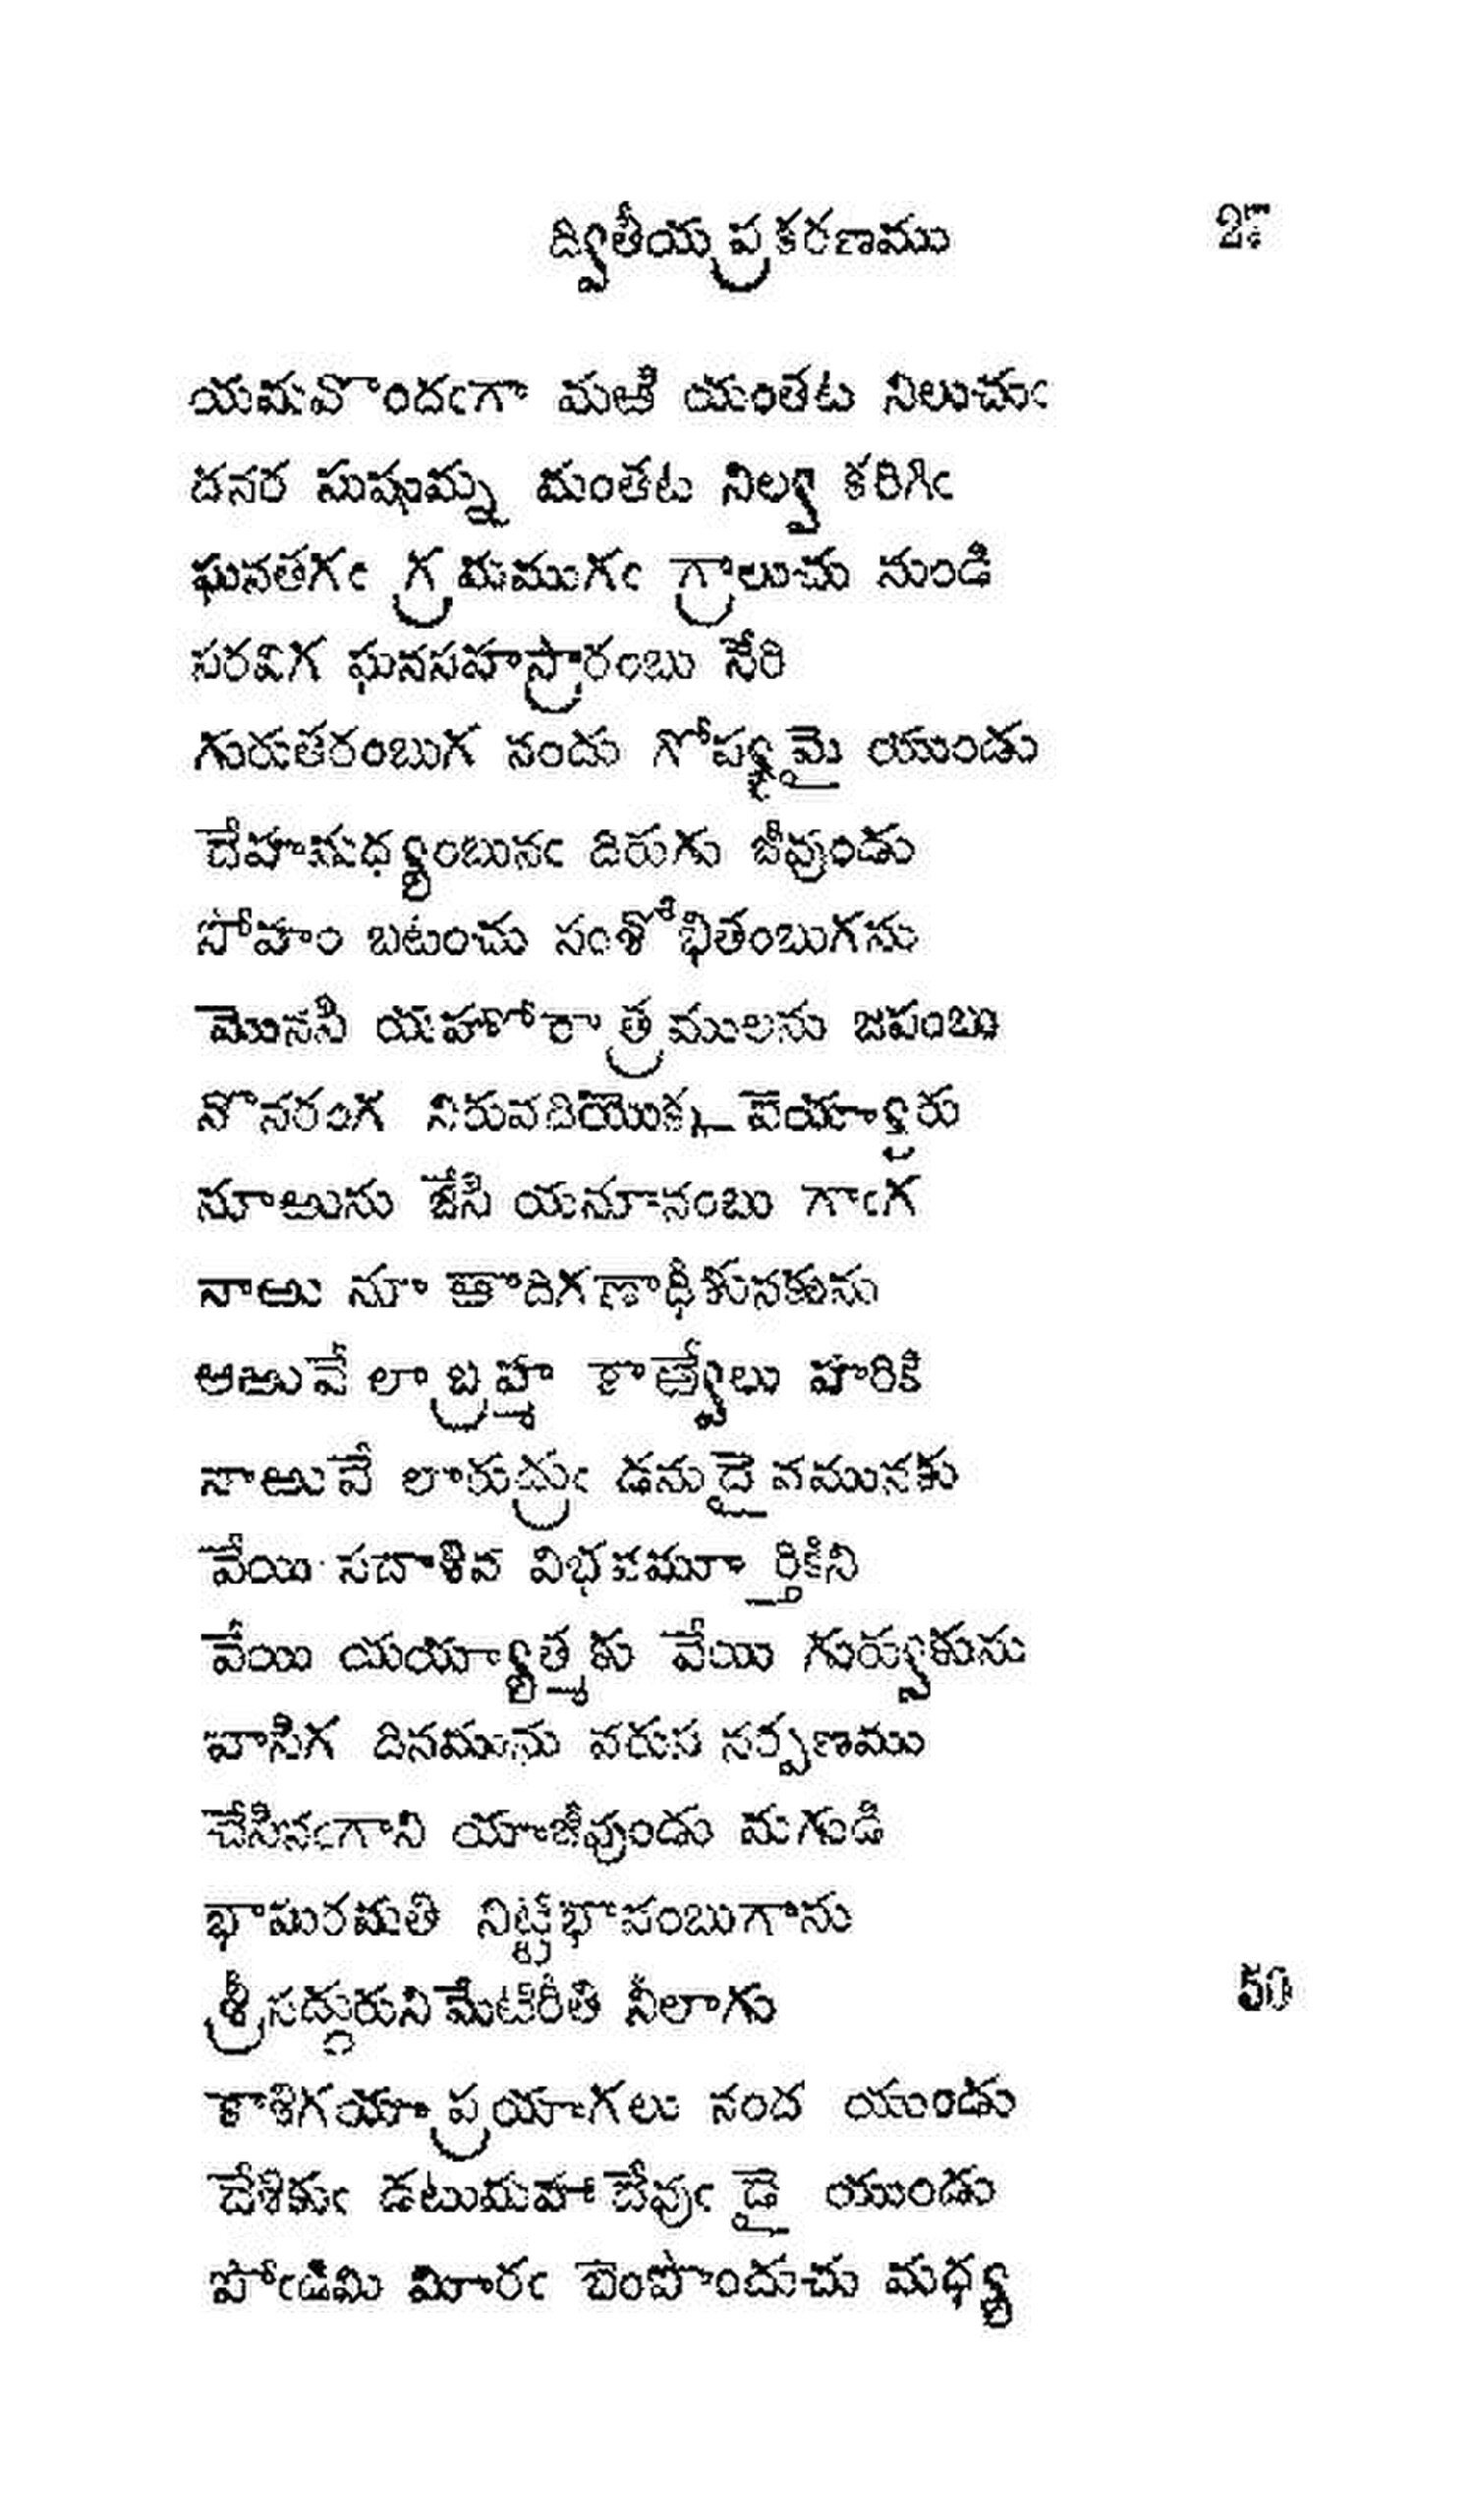యనువొందఁగా మఱి యంతట నిలుచుఁ
దనర సుషుమ్న మంతట నిల్వ కరిగిఁ
ఘనతగఁ గ్రమముగఁ గ్రాలుచు నుండి
సరవిగ ఘనసహస్రారంబు సేరి
గురుతరంబుగ నందు గోప్యమై యుండు
దేహమధ్యంబునఁ దిరుగు జీవుండు
సోహం బటంచు సంశోభితంబుగను
మొనసి యహోరాత్రములను జపంబు 
నొనరంగ నిరువదియొక్కవెయ్యారు
నూఱును జేసి యనూనంబు గాఁగ
నాఱు నూ ఱాదిగణాధీశునకును
ఆఱువే లాబ్రహ్మ కాఱ్వేలు హరికి
నాఱువే లారుద్రుఁ డనుదైవమునకు
వేయి సదాశివ విభవమూర్తికిని
వేయి యయ్యాత్మకు వేయి గుర్వుకును
వాసిగ దినమును వరుస నర్పణము
చేసినఁగాని యాజీవుండు మగుడి
భాసురమతి నిట్టిభావంబుగాను
శ్రీసద్గురునిమేటిరీతి నీలాగు
కాశిగయాప్రయాగలు నంద యుండు
దేశికుఁ డటుమహాదేవుఁ డై యుండు
పోఁడిమి మీరఁ బెంపొందుచు మధ్య